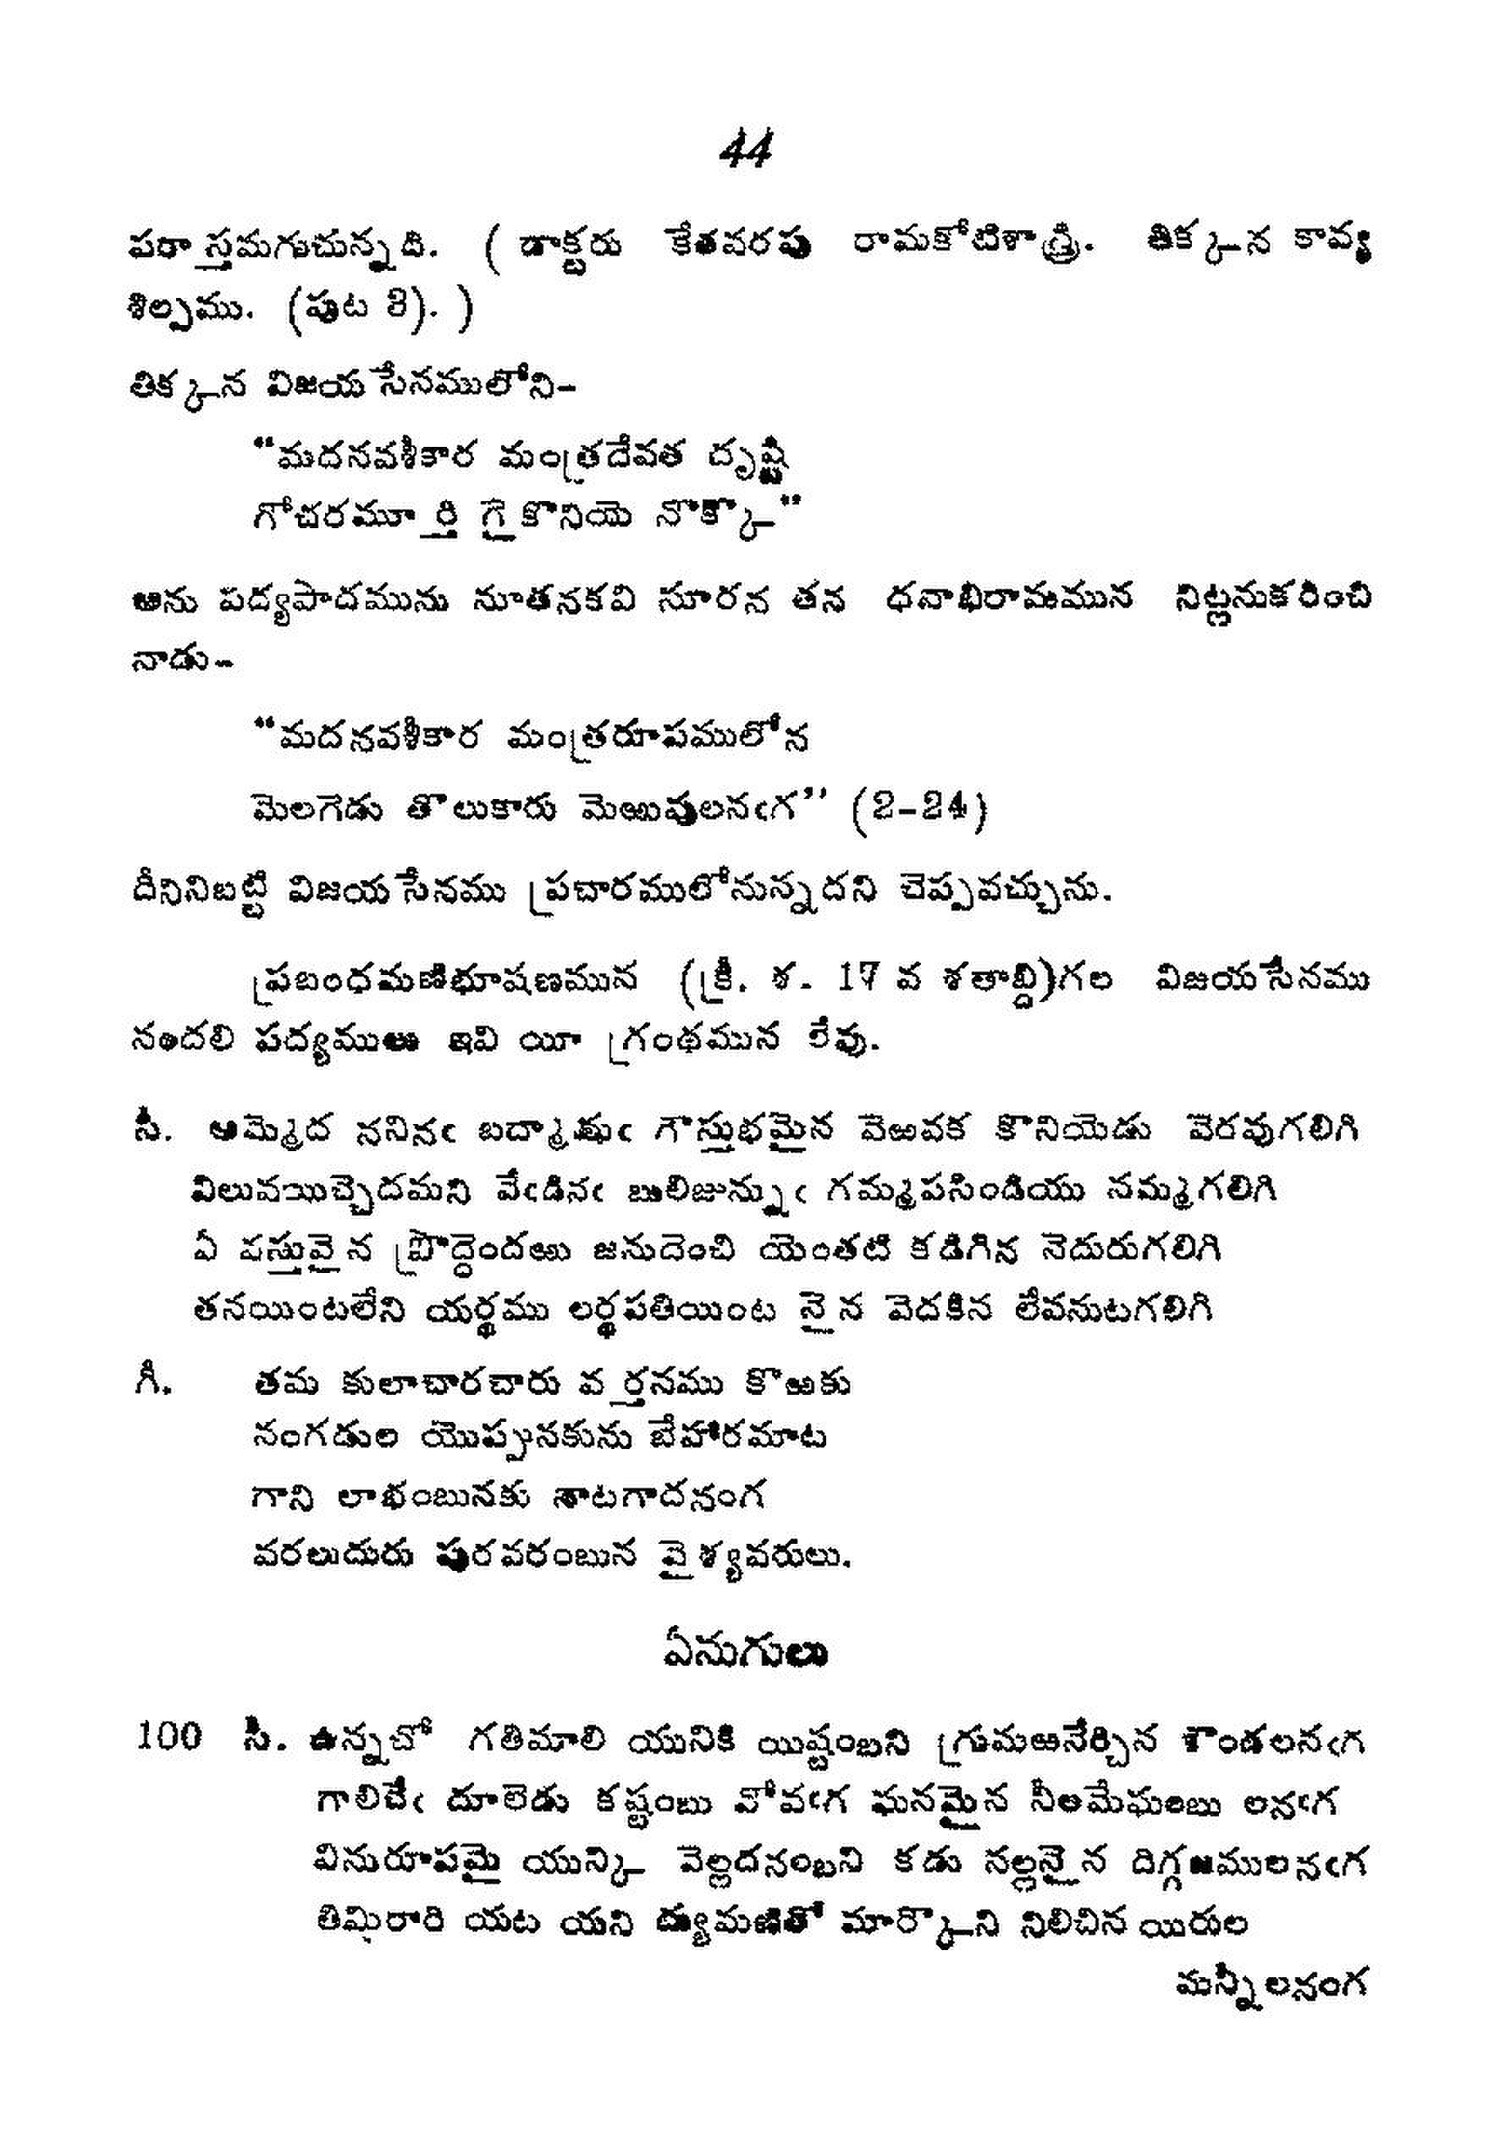పరా స్తమగుచున్నది. ( డాక్టరు కేతవరపు రామకోటిశ్రీ. తిక్కన కావ్య
శిల్పము. (పుట 8). )

“మదనవశీకార మంత్రదేవత దృష్టి
గోచరమూర్తి గైకొనియె నొక్కొ"

అను పద్యపాదమును నూతనకవి సూరన తన ధనాభిరామమున నిట్లనుకరించి

“మదనవశీకార మంత్రరూపములోన
మెలగేడు తొలుకొరు మెఱువులనఁగ" (2–24)

దీనినిబట్టి విజయ సేనము ప్రచారములోనున్నదని చెప్పవచ్చును.

ప్రబంధమణిభూషణమున (క్రీ. శ. 17 వ శతాబ్ది)గల విజయ సేనము
నందలి పద్యములు ఇవి యీ గ్రంథమున లేవు.

సీ. ఆమ్మెద ననినఁ బద్మాషుఁ గౌస్తుభమైన వెఱవక కొనియెడు వెరవుగలిగి
విలువయిచ్చెదమని వేఁడినఁ బులిజున్నుఁ గమ్మపసిండియు నమ్మగలిగి
ఏ వస్తువైన ప్రొద్దెందఱు జనుదెంచి యెంతటి కడిగిన నెదురుగలిగి
తనయింటలేని యర్థము లర్దపతియింట నైన వెదకిన లేవనుటగలిగి

తమ కులాచార చారు వర్తనము కొఱకు
నంగడుల యొప్పునకును బేహారమాట
గాని లాభంబునకు నాటగాదనంగ
వరలుదురు పురవరంబున వైశ్యవరులు,

100 సీ. ఉన్నచో గతిమాలి యునికి యిష్టంబని గ్రుమఱనేర్చిన కౌండలనఁగ
గాలిచేఁ దూలెడు కష్టంబు వోవఁగ ఘనమైన నీలమేఘంబు లనఁగ
వినురూపమై యున్కి వెల్లదనంబని కడు నల్లనైన దిగ్గజములనఁగ
తిమిరారి యట యని ద్యమణితో మార్కొని నిలిచిన యిరుల మన్నీ లనంగ